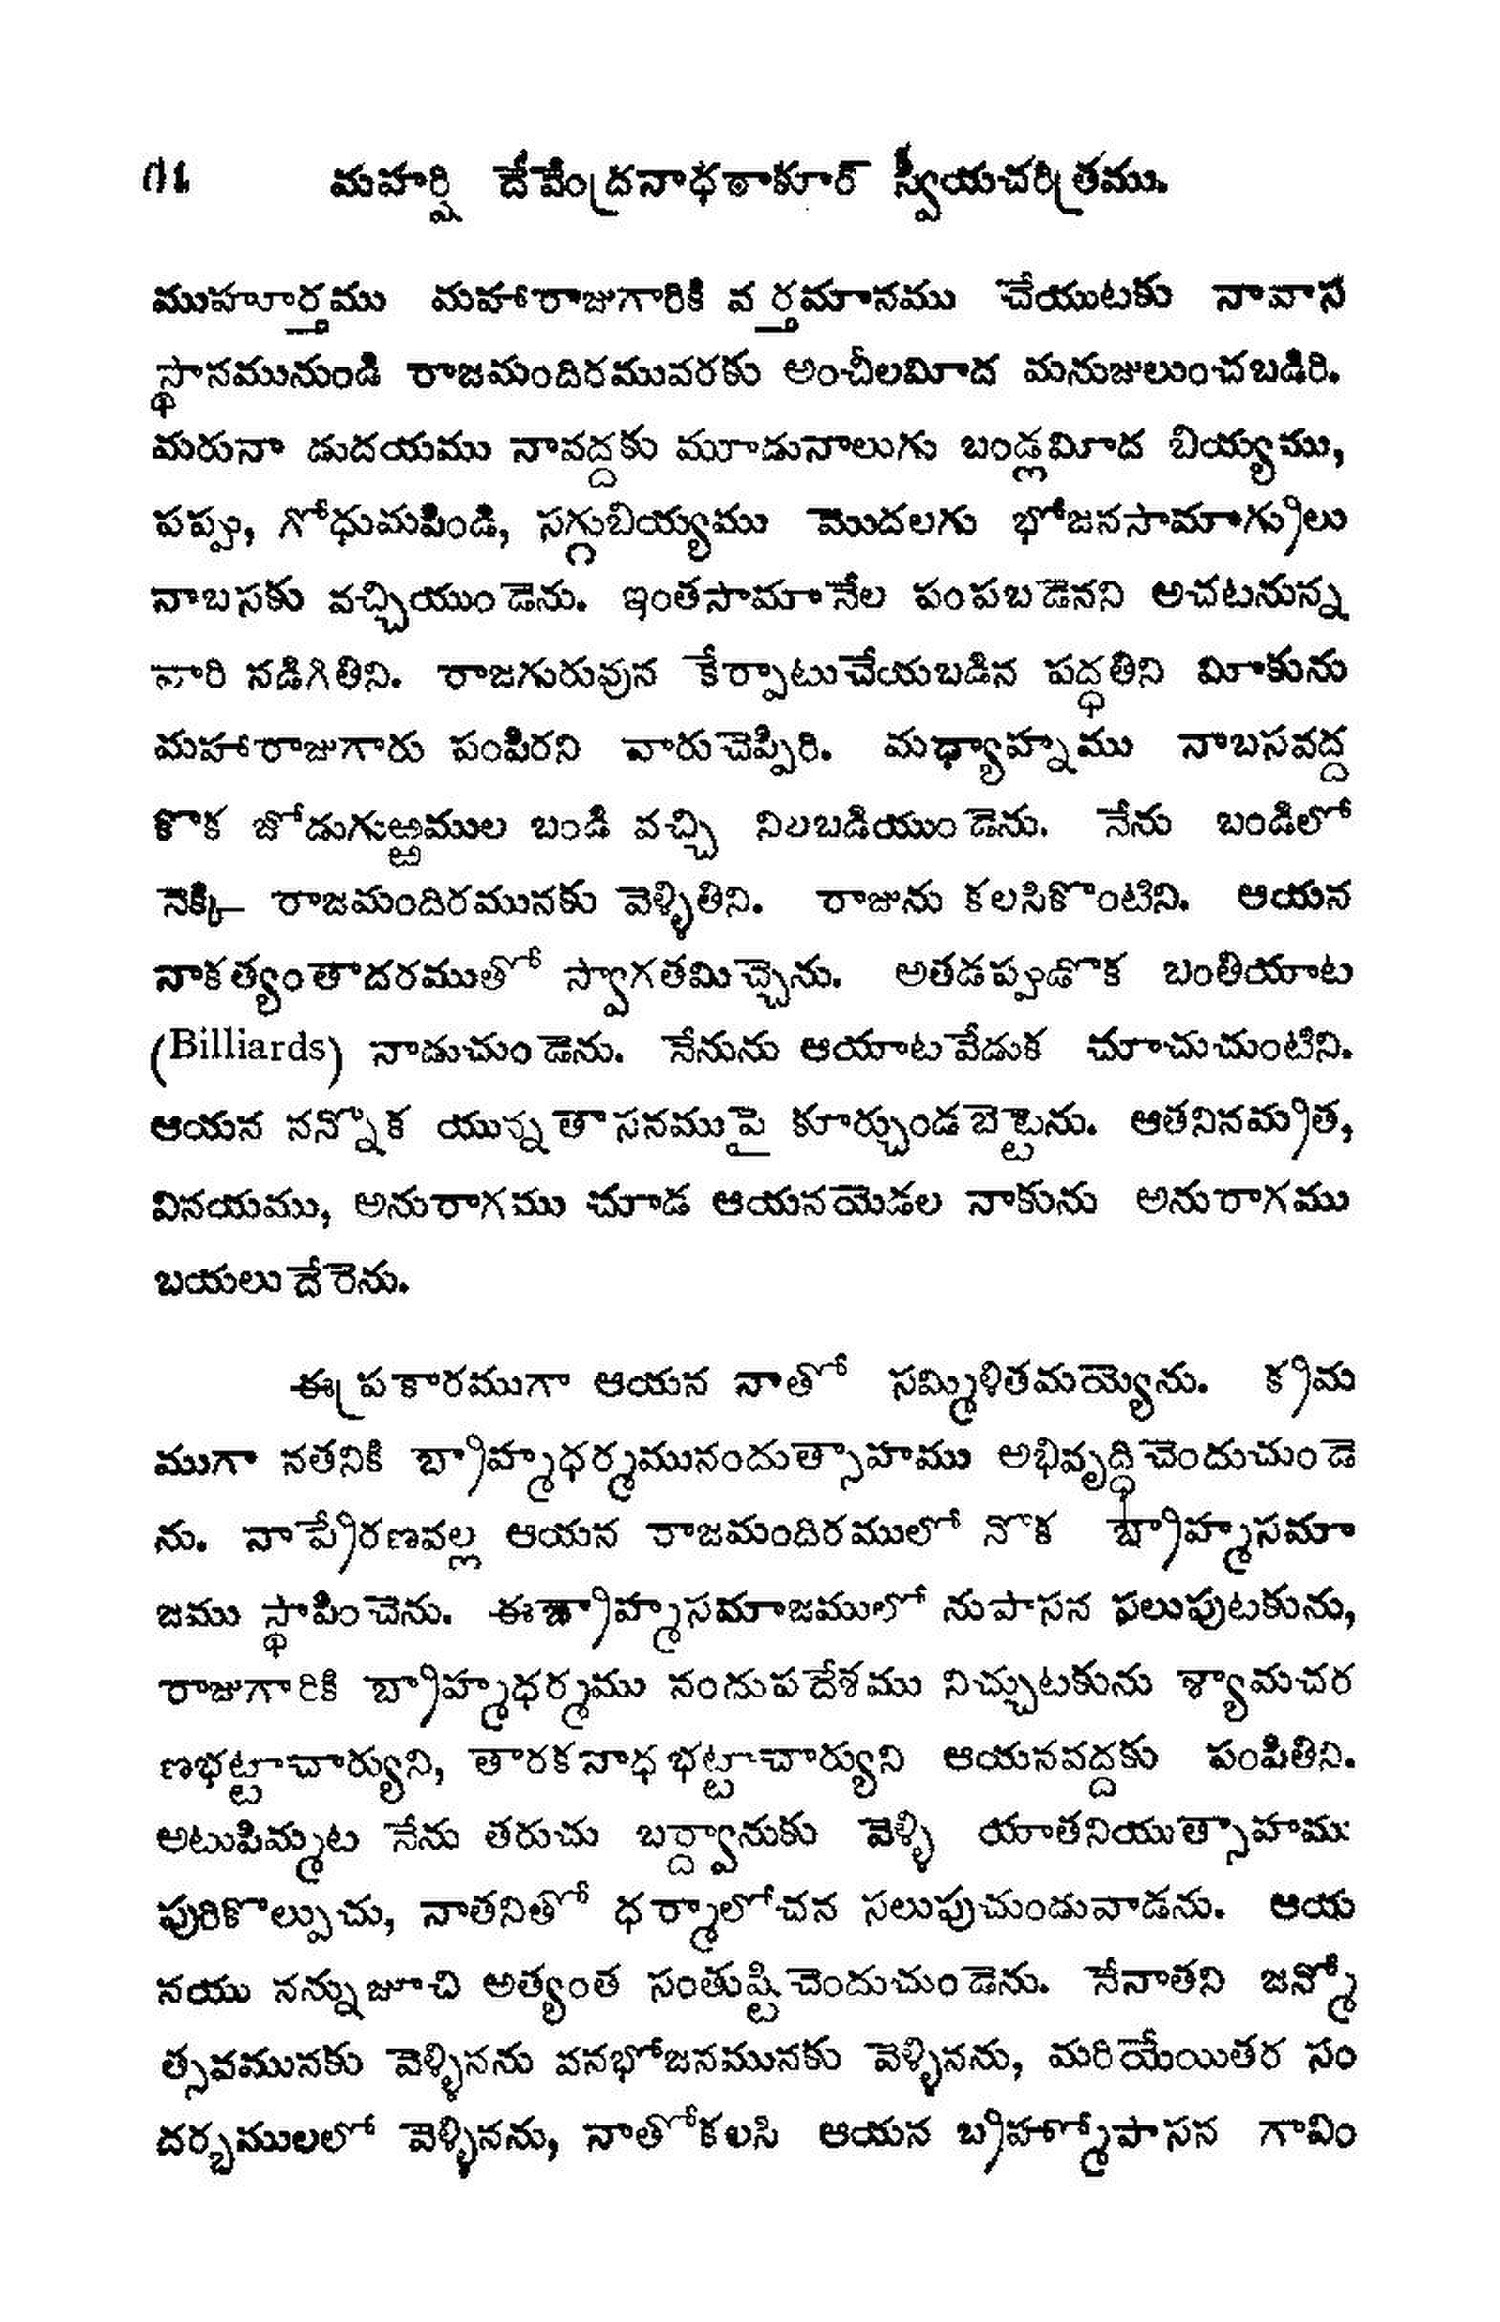ముహూర్తము మహారాజు గారికి వర్తమానము చేయుటకు నావాస
సొనమునుండి రాజమందిరమువరకు అంచీలమీద మనుజు
లుంచబడిరి. మరునా డుదయము నా వద్దకు మూడునాలుగు 
బండ్ల మీద బియ్యము, పప్పు, గోధుమపిండి, సగ్గుబియ్యము 
మొదలగు భోజనసామాగ్రులు నాబసకు వచ్చియుండెను. 
ఇంతసామానేల పంపబడెనని అచటనున్నవారి నడిగితిని. 
రాజగురువున కేర్పాటు చేయబడిన పద్ధతిని మీకును
మహా రాజుగారు పంపిరని వారు చెప్పిరి. మధ్యాహ్నము 
నాబస వద్ద కొక జోడుగుఱ్ఱముల బండి వచ్చి నిలబడి యుండెను. 
నేను బండిలోనెక్కి 'రాజమందిరమునకు వెళ్ళితిని. రాజును 
కలసికొంటిని. ఆయన నాకత్యంతాదరముతో స్వాగతమిచ్చెను. 
అతడప్పుడొక బంతియాట (Billiards) నాడు చుండెను. 
నేనును ఆయాట వేడుక చూచుచుంటిని.ఆయన నన్నొక 
యున్న తాసనముపై కూర్చుండ బెట్టెను. ఆతని నంరత,
వినయము, అనురాగము చూడ ఆయన యెడల నాకును 
అనురాగము బయలు దేరెను.

ఈ ప్రకారముగా ఆయన నాతో సమ్మిళిత మయ్యెను. క్రమముగా 
నతనికి బాహ్మధర్మమునందుత్సాహము అభివృద్ధి చెందు
చుండెను. నా ప్రేరణవల్ల ఆయన రాజమందిరములో నొక 
బ్రాహ్మసమాజము స్థాపించెను. ఈబ్రాహ్మసమాజములో నుపాసన 
ఫలుపుటకును, రాజుగారికి బాహ్మధర్మము నందుపదేశము 
నిచ్చుటకును శ్యామచర ఇభట్టాచార్యుని, తారక నాధ భట్టా
చార్యుని ఆయన వద్దకు పంపితిని. అటుపిమ్మట "నేను తరుచు 
బద్యానుకు వెళ్ళి యాతనియు త్సాహము పురికొల్పుచు, నాతనితో 
ధర్మాలోచన సలుపుచుండువాడను. ఆయనయు నన్ను జూచి 
అత్యంత సంతుష్టి చెంచెందుచుండెను. నాతని జన్మోత్సవమునకు 
వెళ్ళినను వనభోజనమునకు వెళ్ళినను, మరియేయితర
సందర్భములలో వెళ్ళినను, నాతో కలసి ఆయన బ్రహ్మోపాసన గావిం